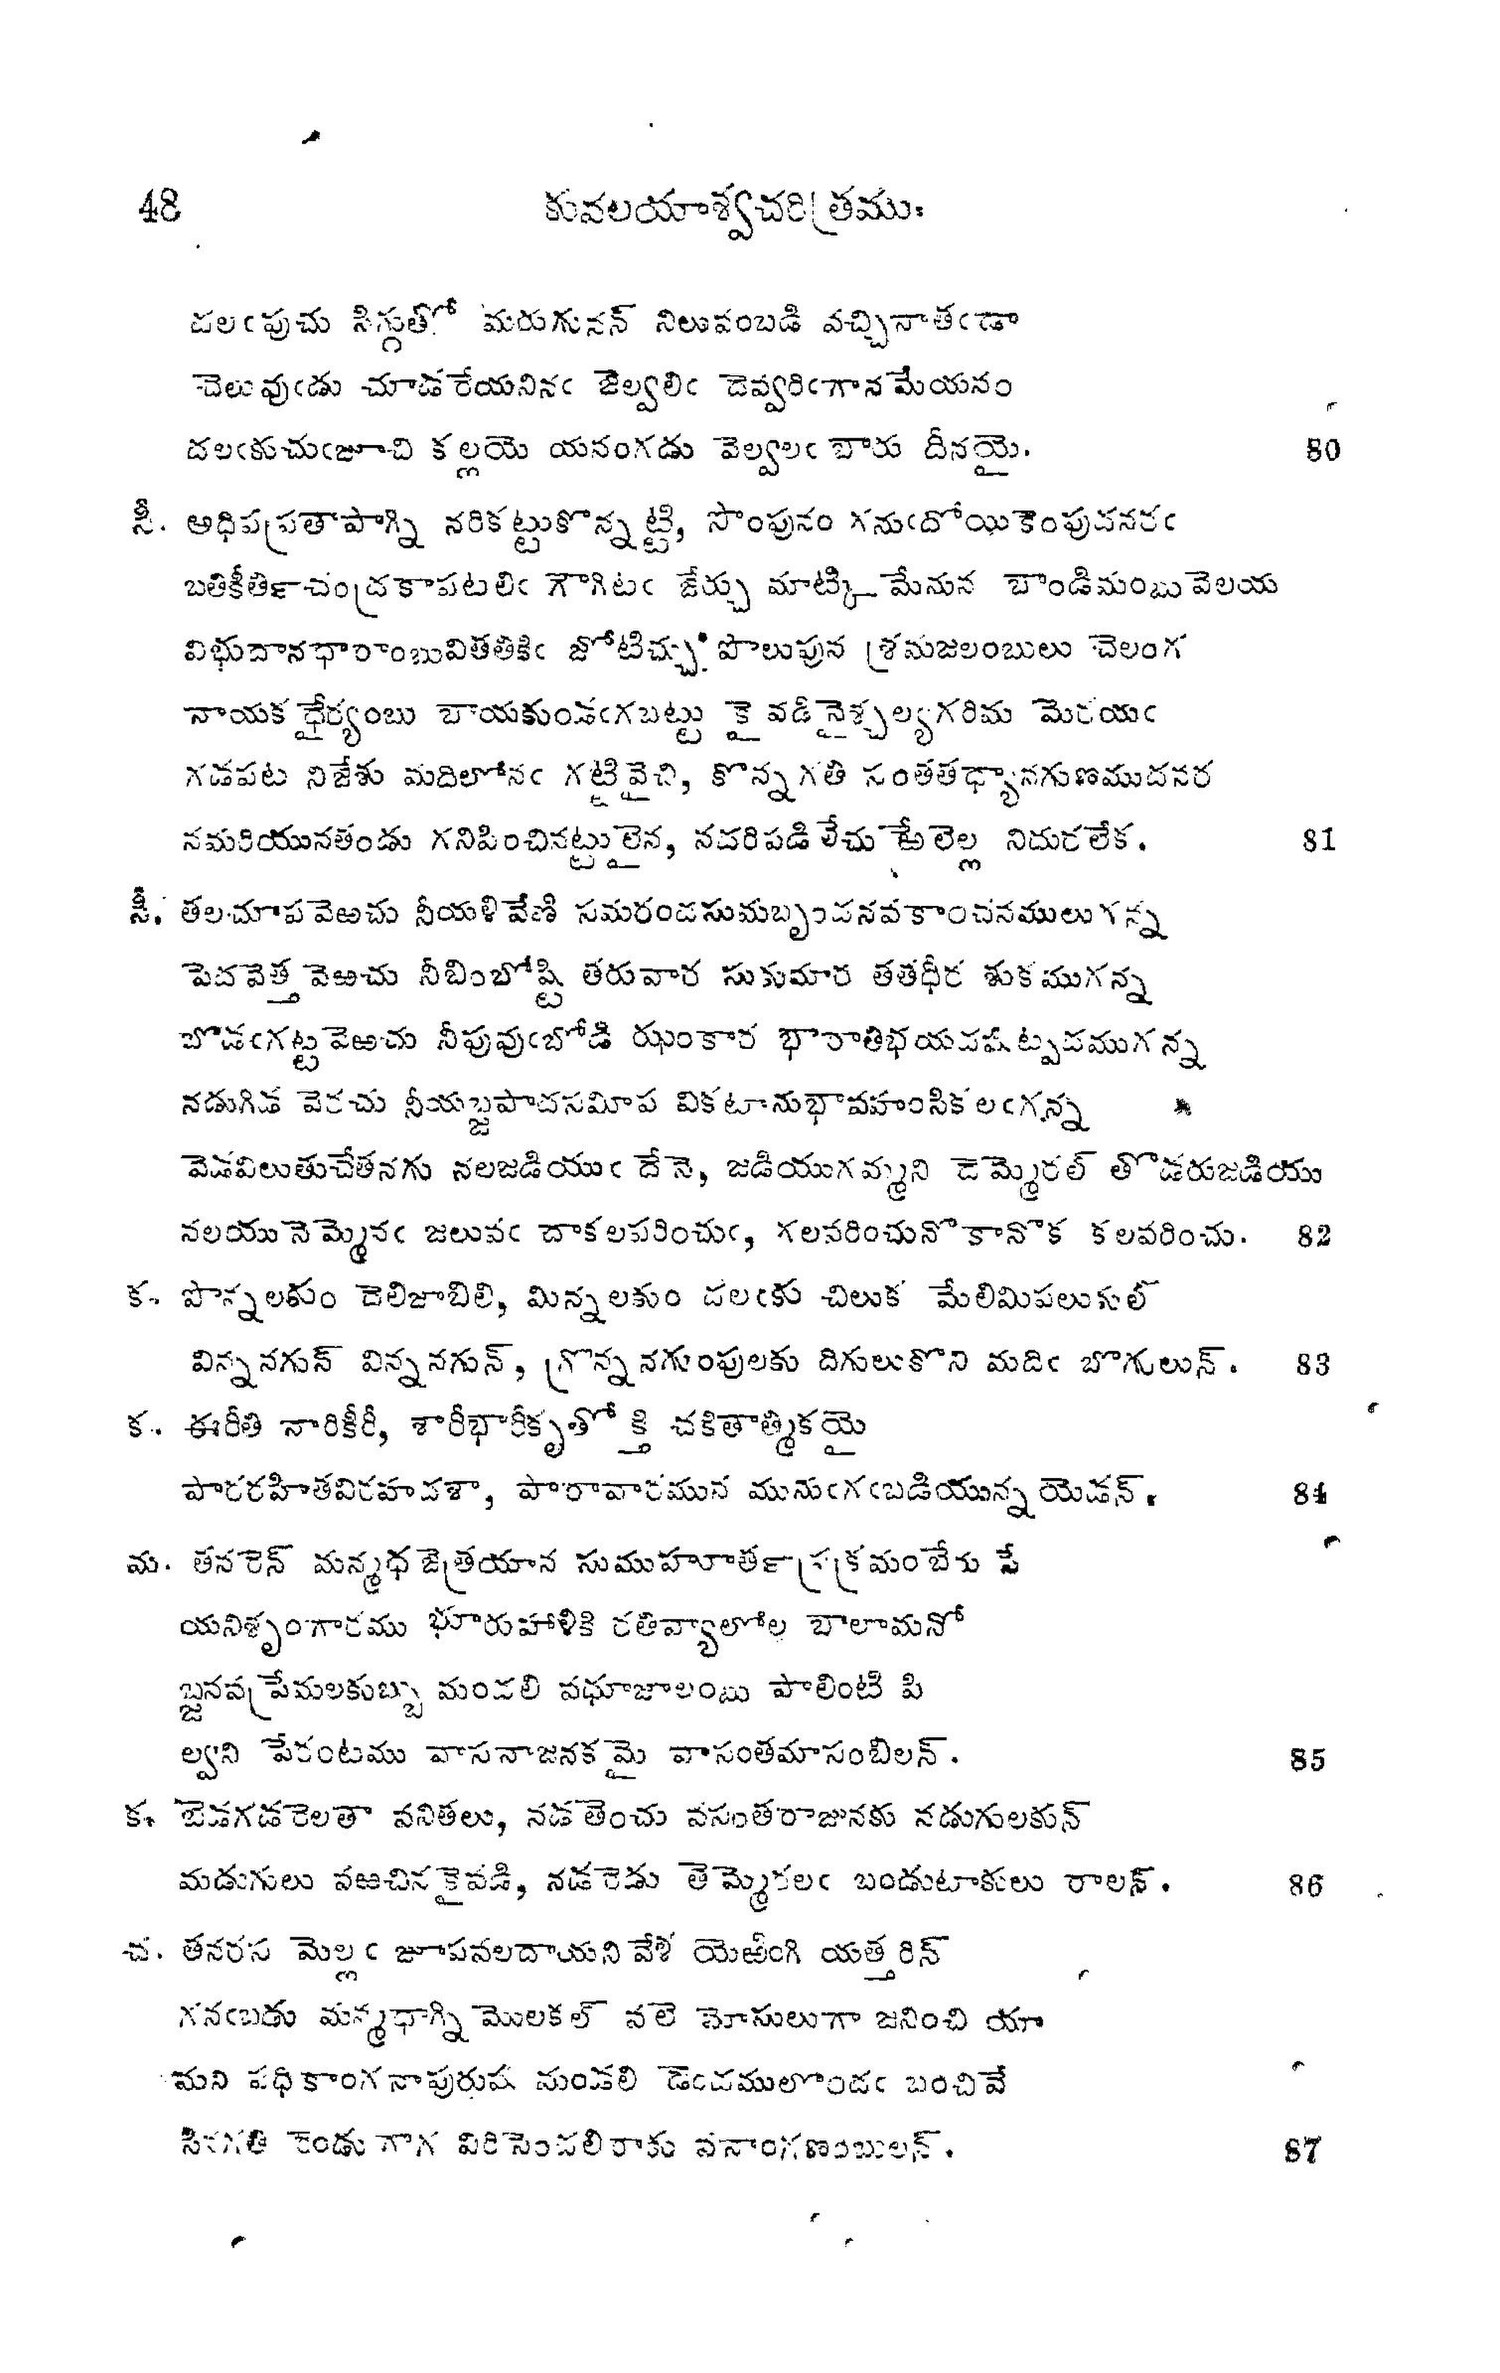దలఁపుచు సిగ్గుతో మరుగునన్ నిలువంబడి వచ్చినాతఁ డా
చెలువుఁడు చూడరే యనినఁ జెల్వలిఁ దెవ్వరిఁ గానమే యనం
దలఁకుచుఁ జూచి కల్లయె యనంగడు వెల్వలఁబారు దీనయై.
సీ. అధిపప్రతాపాగ్ని నరికట్టుకొన్నట్టి సొంపునం గనుఁదోయి కెంపుదనరఁ
బతికీర్తి చంద్రకాపటలిఁ గౌగిటఁ జేర్చు మాట్కి మేనున బాండిమంబు వెలయ
విభుదానధారాంబువితతికిఁ జోటిచ్చు పొలుపున శ్రమజలంబులు చెలంగ
నాయకధైర్యంబు బాయకుండఁగబట్టుకైవడి నైశ్చలగరిమ మెరయఁ
గడపట నిజేశు మదిలోనఁ గట్టివైచి, కొన్నగతి సంతతధ్యానగుణము దనర
నమరియు నతండు గనిపించినట్టులైన, నదరిపడి లేచు ఱేలెల్ల నిదురలేక.
సీ. తలచూప వెఱచు నీయళివేణి సమరందసుమబృందనవకాంచనములు గన్న
పెదవెత్త వెఱచు నీబింబోష్ఠ తరువారసుకుమారతతధీరశుకము గన్న
బొడఁగట్ట వెఱచు నీపువుఁబోడి ఝంకారభారాతిభయదషట్పదము గన్న
నడుగిడ వెరచు నీయబ్జపాద సమీపవికటానుభావహంసికలఁ గన్న
వెడవిలుతుచేతనగు నలజడియుఁ దేనె, జడియు గమ్మనిదెమ్మెరల్ తొడరుజడియు
నలయు నెమ్మేనఁ జలువఁ చాకలపరించుఁ, గలవరించు నొకానొక కలవరించు.
క. పొన్నలకుం దెలిజాబిలి, మిన్నలకుం దలఁకు చిలుక మేలిమిపలుకుల్
విన్ననగున్ విన్ననగున్, గ్రొన్ననగుంపులకు దిగులుకొని మదిఁ బొగులున్.
క. ఈరీతి నారికీరీ, శారీభారీకృతోక్తిచకితాత్మకయై
పారరహితవిరహవశా, పారావారమున మునుఁగఁబడియున్నయెడన్.
మ. తనరెన్ మన్మథజైత్రయానసుముహూర్తప్రక్రమం బేరుసే
యనిశృంగారము భూరుహాళికి రతివ్యాలోలబాలామనో
బ్జనవప్రేమల కుబ్బు మందలి వధూజలంబు పాలింటి పి
ల్వనిపేరంటము వాసనాజనకమై వాసంతమాసం బిలన్.
క. బెడగడరె లతావనితలు, నడతెంచు వసంతరాజునకు నడుగులకున్
మడుగులు వఱచినకైవడి, నడరెడు తెమ్మెరలఁ బండుటాకులు రాలన్.
చ. తనరస మెల్లఁ జూపవలదాయని వేళ యెఱింగి యత్తరిన్
గనఁబడు మన్మథాగ్నిమొలకల్ వలె మోసులుగా జనించి యా
నుని పథికాంగనాపురుషమండలి డెందములొందఁ బంచివే
సినతి రెండు గాగ విరిసెం దలిరాకు వనాంగణంబులన్.